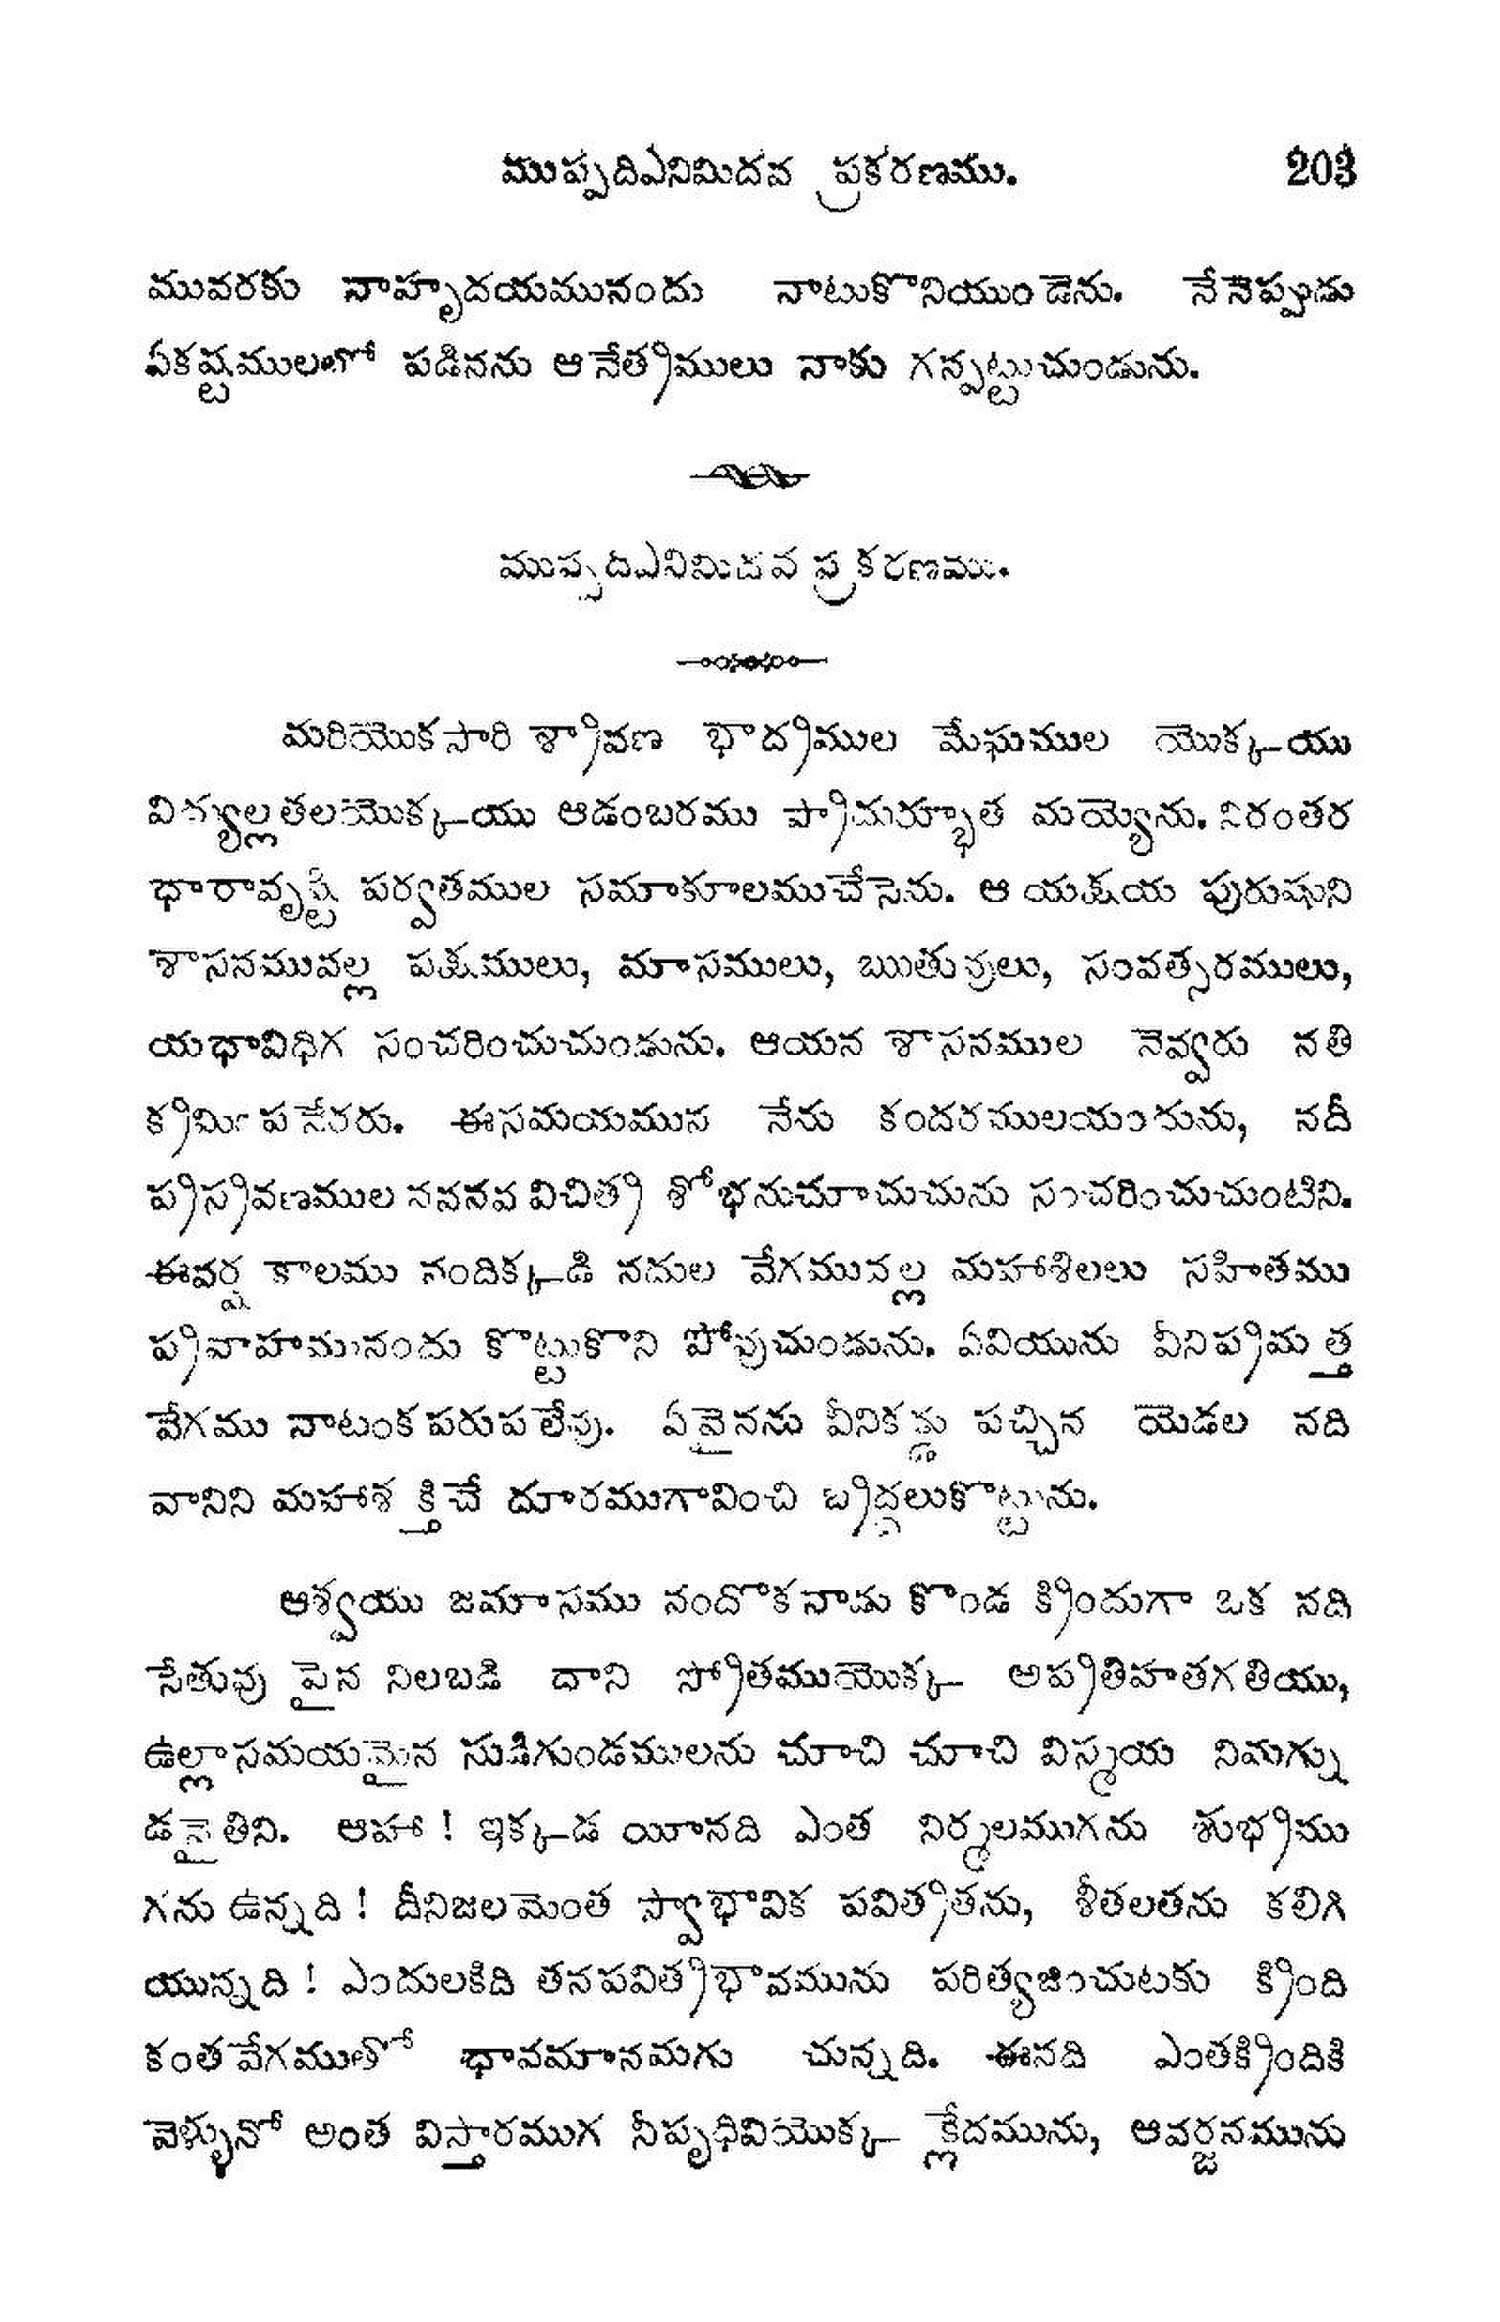మువరకు నాహృదయమునందు నాటుకొనియుండెను. నేనెప్పుడు
ఏకష్టములలో పడినను ఆ నేత్రములు నాకుగన్పట్టు చుండును.

మరియొక సారి శ్రావణ భాద్రముల మేఘముల యొక్క-యు
విద్యుల్లతల యొక్క-యు ఆడంబరము ప్రాచుర్భూత మయ్యెను. నిరంతర
ధారావృప్తి పర్వతముల సమాకూలము చేసెను. ఆ యక్షయ పురుషుని
శాసనమువల్ల పక్షములు, మాసములు, ఋతువులు, సంవత్సరములు,
యధావిధిగా సంచరించు చుండును. ఆయన శాసనముల నెవ్వరు నతి
క్రమింప నేరరు. ఈ సమయమున నేను కండరముల యుందును, నదీ
ప్రసవణముల నవనవ విచిత్ర శోభనుచూచుచును సంచరించు చుంటిని.
ఈవర్ష కాలము నందిక్కడి నదులు వేగమువల్ల మహాశిలలు సహితము
ప్రవాహమునందు కొట్టుకొని పోవుచుండును. ఏవియును వీని ప్రమత్త
వేగము నాటంక పరుప లేవు. ఏవైనను వీనికన్లు వచ్చిన యెడల నది
వానీని మహాశక్తిచే దూరముగావించి బద్దలుకొట్టును.

ఆశ్వయు జమాసము నందోక నాడు కొండ క్రిందుగా ఒక నది
సేతువు పైన నిలబడి దాని స్త్రోతము యొక్క అప్రతిహతగతియు,
ఉల్లాసమయ మైన సుడిగుండములను చూచి చూచి
విస్మయ నిమగ్నుడనై తిని. ఆహా ! ఇక్కడ యీనది ఎంత నిర్మలముగను 
శుభముగను ఉన్నది ! దీనిజల మెంత స్వాభావిక పవిత్రతను, శీతలతను 
కలిగి యున్నది ! ఎందులకిది తన పవిత్ర భావమును పరిత్యజించుటకు
క్రింది కంత వేగముతో ధావమానమగు చున్నది. ఈనది ఎంతకిందికి
వెళ్ళునో అంత విస్తారముగ నీపృధివి యొక్క క్లేదమును, ఆవర్జనమును